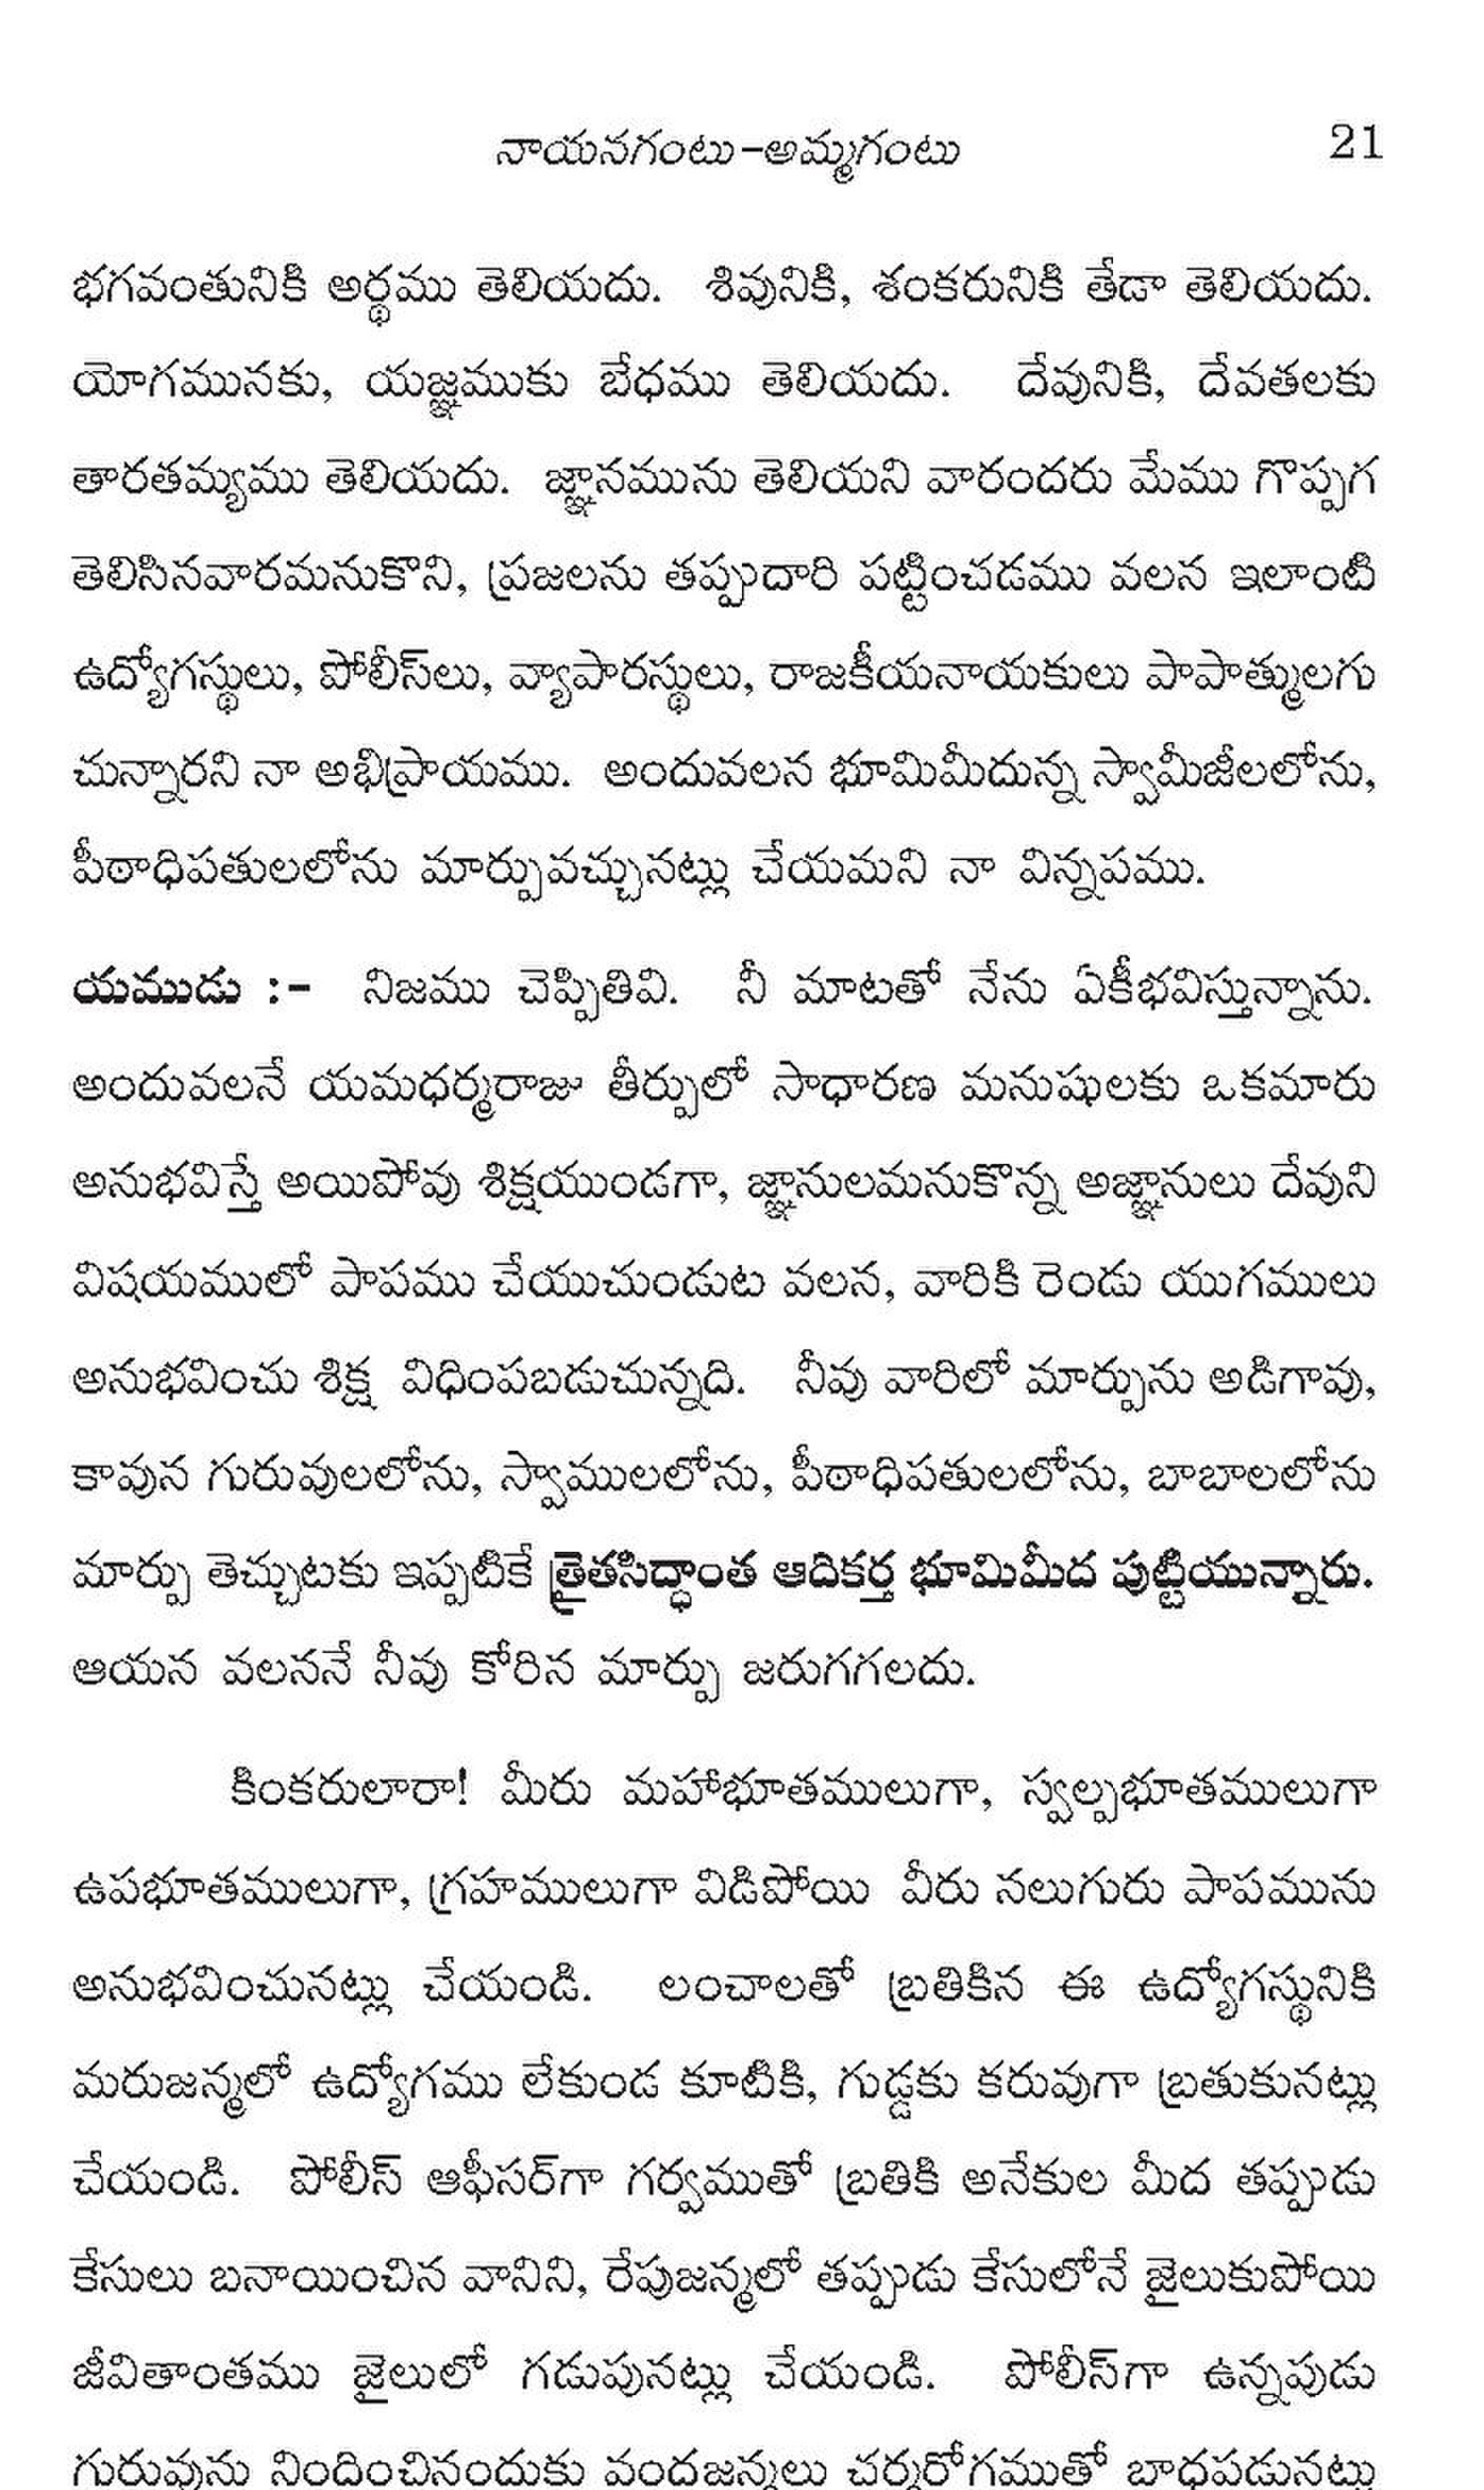భగవంతునికి అర్థము తెలియదు. శివునికి, శంకరునికి తేడా తెలియదు. యోగమునకు, యజ్ఞముకు బేధము తెలియదు. దేవునికి, దేవతలకు తారతమ్యము తెలియదు. జ్ఞానమును తెలియని వారందరు మేము గొప్పగ తెలిసినవారమనుకొని, ప్రజలను తప్పుదారి పట్టించడము వలన ఇలాంటి ఉద్యోగస్థులు, పోలీస్‌లు, వ్యాపారస్థులు, రాజకీయనాయకులు పాపాత్ములగు చున్నారని నా అభిప్రాయము. అందువలన భూమిమీదున్న స్వామీజీలలోను, పీఠాధిపతులలోను మార్పువచ్చునట్లు చేయమని నా విన్నపము.

యముడు :- నిజము చెప్పితివి. నీ మాటతో నేను ఏకీభవిస్తున్నాను. అందువలనే యమధర్మరాజు తీర్పులో సాధారణ మనుషులకు ఒకమారు అనుభవిస్తే అయిపోవు శిక్షయుండగా, జ్ఞానులమనుకొన్న అజ్ఞానులు దేవుని విషయములో పాపము చేయుచుండుట వలన, వారికి రెండు యుగములు అనుభవించు శిక్ష విధింపబడుచున్నది. నీవు వారిలో మార్పును అడిగావు, కావున గురువులలోను, స్వాములలోను, పీఠాధిపతులలోను, బాబాలలోను మార్పు తెచ్చుటకు ఇప్పటికే త్రైతసిద్ధాంత ఆదికర్త భూమిమీద పుట్టియున్నారు. ఆయన వలననే నీవు కోరిన మార్పు జరుగగలదు.

కింకరులారా! మీరు మహాభూతములుగా, స్వల్పభూతములుగా ఉపభూతములుగా, గ్రహములుగా విడిపోయి వీరు నలుగురు పాపమును అనుభవించునట్లు చేయండి. లంచాలతో బ్రతికిన ఈ ఉద్యోగస్థునికి మరుజన్మలో ఉద్యోగము లేకుండ కూటికి, గుడ్డకు కరువుగా బ్రతుకునట్లు చేయండి. పోలీస్‌ ఆఫీసర్‌గా గర్వముతో బ్రతికి అనేకుల మీద తప్పుడు కేసులు బనాయించిన వానిని, రేపుజన్మలో తప్పుడు కేసులోనే జైలుకుపోయి జీవితాంతము జైలులో గడుపునట్లు చేయండి. పోలీస్‌గా ఉన్నపుడు గురువును నిందించినందుకు వందజన్మలు చర్మరోగముతో బాధపడునట్లు